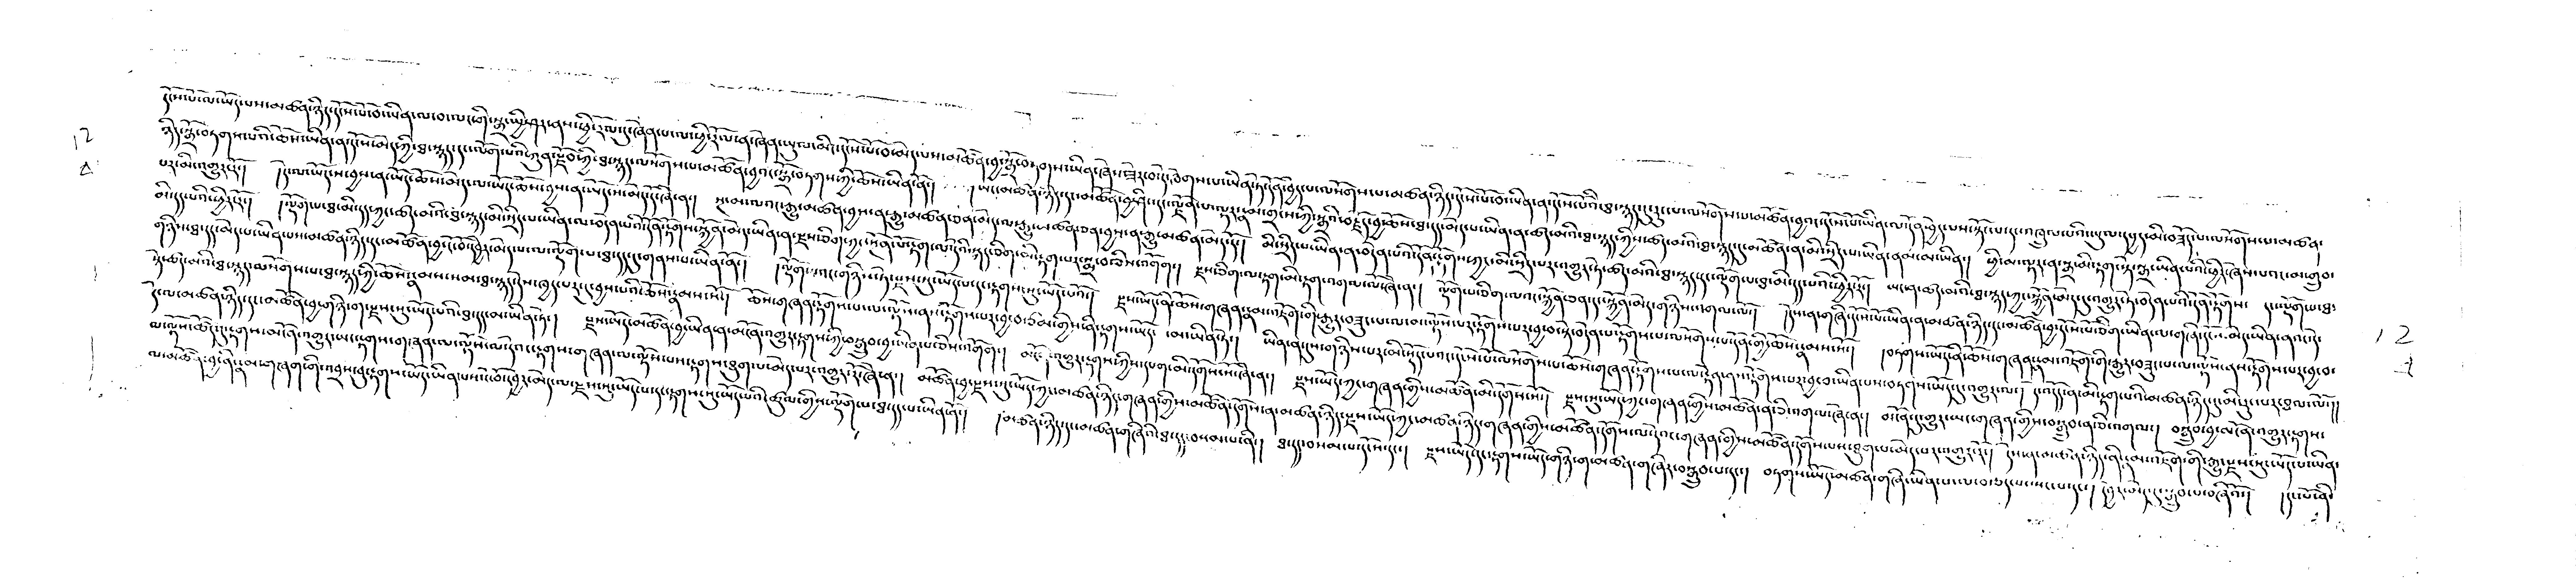དངོས་པོ་ལ་ཡོད་པས་མཚན་ཉིད་དངོས་པོ་བ་ཡིན་ལ་བ་ལང་གི་སྒྲ་སྤྱི་ཤར་ནས་ཕྱི་རོལ་དུ་ཞེན་པ་ལ་ཕྱི་རོལ་ན་ཞེན་ཡུལ་མིང་དངོས་པོ་བ་མེད་པས་མཚོན་བྱ་སྒྲོ་བཏགས་ཡིན་ཞེས་ཟེར་བ་དེ་ཁེགས་པ་ཡིན་ཏེ་དོན་བྱེད་པ་ལ་སོགས་པ་མཚན་ཉིད་དངོས་པོ་བ་ཡིན་ན་དངོས་པོའི་ཐ་སྙད་དུ་རུང་པ་ལ་སོགས་པ་མཚོན་བྱའང་དངོས་པོ་ཡིན་ལ་དོན་བྱེད་པས་སྟོང་པ་དང་འཁྲུལ་པའི་ཡུལ་དཔྱདམི་བཟོད་པ་ལ་སོགས་པ་མཚན་
ཉིད་སྒྲོ་བཏགས་པའི་ཆོས་ཡིན་ན་དངོས་མེད་ཀྱི་ཐ་སྙད་ད་ལོག་པའི་ཀུན་རྫོབ་ཀྱི་ཐ་སྙད་ལ་སོགས་པ་མཚན་བྱའང་སྒྲོ་བཏགས་ཀྱི་ཆོས་ཡིན་ནོ། །ཡང་མཚན་ཉིད་དང་མཚོན་བྱེ་ཤིས་དང་ལྗོན་པ་ལྟར་རྣམ་གྲངས་ཀྱི་སྒྲའི་བརྗོད་བྱ་ཆོས་ཐ་དད་མེད་པ་ཡིན་ན་ཚད་མའི་ཐ་སྙད་དུ་མཚོན་ན་མི་སྲིད་པ་ཡིན་ནས་མ་ཡིན། ཕྱི་མ་ལྟར་ན་སྒྲ་མི་རྟག་སྟེ་སྒྲ་ཡིན་པའི་ཕྱིར་ཞེས་པའང་མ་གྲུབ་
པར་མི་འགྱུར་རོ། །དེ་ལ་ཡོད་པ་བྱས་ན་ཡོད་ཆོས་མེད་ལ་ཡོད་ཆོས་བྱས་ན་ཡོད་སོ་མེད་དེ་ཞི་ནས། སྔ་མ་ལའང་རྒྱུ་མཚན་བྱས་ན་རྒྱུ་མཚན་ཅན་མེད་ལ་རྒྱུ་མཚན་ཅན་བྱས་ན་རྒྱུ་མཚན་མེད་དོ། མི་སྲིད་པ་ཡིན་ན་བདེན་པའི་དོན་རྟོགས་ཀྱང་མི་སྲིད་པར་འགྱུར་ཏེ་ཚད་མའི་ཐ་སྙད་དང་ལྡོག་པ་ཐ་མི་དད་པའི་ཕྱིར་རོ། །ཡང་ན་ཚད་མའི་ཐ་ཉད་ཀྱང་སྐྱོན་མེད་དུ་འགྱུར་ཏེ་བདེན་པའི་དོན་རྟོགས་དང་ལྡོག་པ་ཐ་
མི་དད་པའི་ཕྱིར་རོ། །ལྡོག་པ་ཐ་མི་དད་ཀྱང་ཚད་མའི་ཐ་སྙད་མི་སྲིད་པ་ཡིན་ལ་བདེན་པའི་དོན་རྟོགས་སྐྱོན་མེད་ཡིན་ན་རྫས་ཅིག་ཀྱང་སྔོན་པོ་རྟག་ལ་དེའི་སྐད་ཅིག་མི་རྟག་པར་སྨྲ་བའི་འགོག། རྫད་ཅིག་ལ་རྟག་མི་རྟག་འགལ་ལོ་ཞེ་ན། ལྡོག་པ་ཅིག་ལའང་སྐྱོན་ཅན་དང་སྐྱོན་མེད་གཉིས་འགལ་ལོ། །དེས་ན་གཞི་དངོས་པོ་ཡིན་ན་མཚན་ཉིད་དང་མཚོན་བྱ་དངོས་པོ་ཅིག་ཡིན་ལ་གཞི་དངོས་མེད་ཡིན་ནའང་དེ་
གཉིས་ཐ་དད་མེད་པ་ཡིན་པས་མཚན་ཉིད་དང་མཚོན་བྱ་ངོ་བོ་དབྱེར་མེད་པ་ལ་ལྡོག་པ་ཐ་དད་དུ་གནས་པ་ཡིན་ནོ། །ལྡོག་པའང་གཉིས་ཏེ་ལྗང་གུ་ཡོད་པ་དང་རྟགས་སུ་ཡོད་པའོ། རྫས་ཡོད་ནི་ཆོས་གཞན་རྣམ་འཇིག་གི་རྒྱུར་བཟུང་པ་ལ་མ་ལྟོས་པར་རྟོག་པར་བྱ་བ་སྟེ་བདེན་པ་རྟོགས་པ་ལ་སོགས་པ་དོན་གྱི་ཆོས་རྣམས་སོ། །བཏགས་ཡོད་ནི་ཆོས་གཞན་རྣམ་འཇོག་གི་རྒྱུར་བུང་པ་ལ་ལྟོས་ནས་རྟོགས་པར་བྱ་བ་
སྟེ་ཚད་མའི་ཐ་སྙད་མ་སོགས་པ་ཐ་སྙད་ཀྱི་ཆོས་རྣམས་སམ་ཐ་སྙད་དེས་ཁྱད་པར་དུ་བྱས་པའི་ཆོས་རྣམས་སོ། ཆོས་གཞན་རྟོགས་པ་ལ་ལྟོས་ན་རྟོགས་པར་བྱ་བ་ཙམ་གྱིས་ནི་རྟགས་ཡོད་པ་མ་ཡིན་ཏེ། ཡིན་ན་དུས་གཉིས་པར་མི་སྡོད་པའང་དངོས་པོ་ལ་སོགས་པ་ཆོས་གཞན་རྟོགས་པ་ལ་རྟེན་ནས་རྟོགས་པར་བྱ་བ་ཡིན་པས་བཏགས་ཡོད་དུ་འགྱུར་ལ། དེ་འདོད་ན་མི་རྟག་པའི་མཚན་ཉིད་དུ་མི་རུང་པར་ཐལ་ལོ།།
དེ་ལ་མཚན་ཉིད་དང་མཚོན་བྱ་གཉིས་ག་རྫས་སུ་ཡོད་པའི་ཐ་དད་མ་ཡིན་ཏེ། རྫས་ཡོད་མཚོན་བྱ་ཡིན་ན་མངོན་འགྱུར་རྟགས་ཀྱི་བསྒྲུབ་བྱ་ཡིན་པ་ཅིས་འགོག། མངོན་འགྱུར་རྟགས་ཀྱིས་དཔག་མི་དགོས་སོ་ཞེ་ན། རྫས་ཡོད་ཀྱང་གཞན་གྱིས་མཚོན་མི་དགོས་སོ། རྫས་སུ་ཡོད་ཀྱང་གཞན་གྱིས་མཚོན་ན་ཅི་འགལ་ཞེ་ན། མངོན་དུ་གྱུར་ཡང་གཞན་གྱིས་བསྒྲུབ་ན་རྩི་འགལ། བསྒྲུབ་བྱ་མངོན་འགྱུར་རྟགས་
མ་ལྟོས་ཚོད་དུ་རྟགས་མངོན་འགྱུར་ཡང་རྟགས་གཞན་ལ་ལྟོས་མ་དེའང་རྟགས་གཞན་ལ་ལྟོས་པས་རྟགས་ཐུགས་མེད་པར་འགྱུར་ཞེ་ན། མཚོན་བྱ་རྫས་སུ་ཡོད་ཀྱང་མཚན་ཉིད་གཞན་གྱིས་མཚོན་དགོས་ན་མཚན་ཉིད་རྫས་ཡོད་ཀྱང་མཚན་ཉིད་གཞན་གྱིས་མཚོན་དགོས་ལ་རེའང་གཞན་གྱིས་མཚོན་དགོས་པས་ཐུག་པ་མེད་པར་མ་གྱུར་རོ། །དེས་ན་མཚན་ཉིད་ནི་རྣམ་འཇོག་གི་རྒྱུ་རྫས་སུ་ཡོད་པ་ཡིན་
ལ་མཚོན་བྱ་ནི་རྣམ་གཞག་གི་འབརས་བུ་རྟགས་ཡོད་ཡིན་པས་ངོ་བོ་དབྱེར་མེད་ལ་རྫས་སུ་ཡོད་པར་རྟགས་སུ་ཡོད་པའི་ཚུལ་གྱིས་ལྡོག་པ་ཐ་དད་པ་ཡིན་ནོ། །མཚན་ཉིད་དང་མཚན་གཞིའི་ཐ་དད་བསམ་པ་ནི། ཐ་དད་བསམ་པ་དངོས་དང་། རྫས་ཡོད་དེང་རྟགས་ཡོད་གཉི་ག་མཚན་གཞིར་བསྒྲུབ་པ་དང་། བཏགས་ཡོད་མཚན་གཞི་ཡིན་པ་ལ་བརྩད་པ་ཡང་པ་དང་། དབྱེར་མེད་དུ་སྒྲུབ་པ་བཞིའོ། །དང་པོ་ནི་